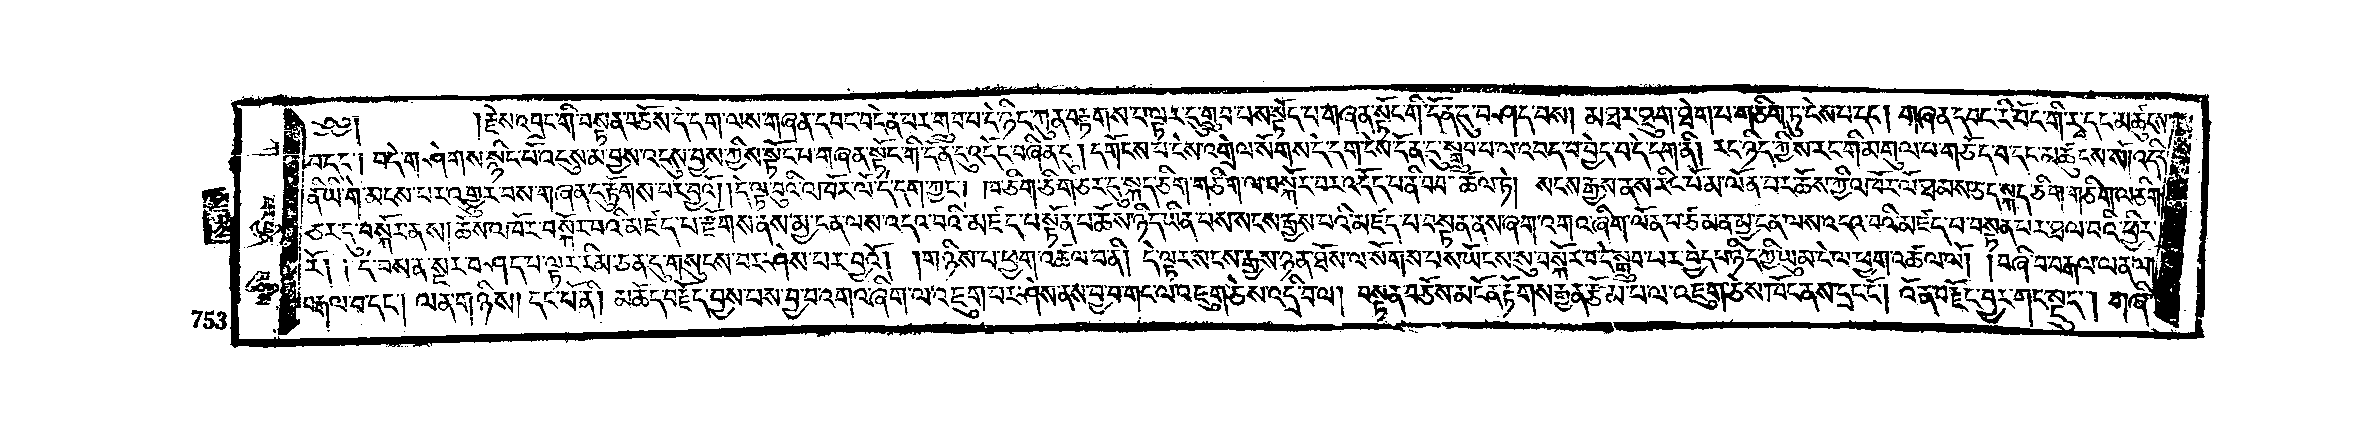༄༅། །རྗེས་འབྲང་གི་བསྟན་བཅོས་དེ་དག་ལས་གཞན་དབང་བདེན་པར་གྲུབ་པ་དེ་ཉིད་ཀུན་བརྟགས་པ་ལྟར་དུ་གྲུབ་པས་སྟོད་པ་གཞན་སྟོང་གི་དོན་དུ་བཤད་པས། མཐར་ཐུག་ཐེག་པ་གཅིག་ཏུ་ངེས་པ་དང་། གཞན་དབང་རི་བོང་གི་རVཨ་དང་མཚུངས་
བ་དང་། བདེ་གཤེགས་སྙིང་པོ་འདུས་མ་བྱས་འདུས་བྱས་ཀྱིས་སྟོང་པ་གཞན་སྟོང་གི་དོན་དུ་འདོད་བཞིན་དུ། དགོངས་པ་ངེས་འགྲེལ་སོགས་དེ་དག་ངེས་དོན་དུ་སྒྲུབ་པ་ལ་འབད་པ་བྱེད་པ་དེ་དག་ནི། རང་ཉིད་ཀྱིས་རང་གི་མགུལ་པ་གཅོད་པ་དང་མཚུངས་སོ། འདིར་
ནི་ཡི་གེ་མངས་པར་འགྱུར་བས་གཞན་དུ་རྟོགས་པར་བྱའོ། །དེ་ལྟ་བུའི་འཁོར་ལོ་དེ་དག་ཀྱང་། ཁ་ཅིག་ཅིག་ཅར་དུ་སྐད་ཅིག་གཅིག་ལ་བསྐོར་བར་འདོད་པ་ནི་བབ་ཆོལ་ཏེ། སངས་རྒྱས་ནས་རིང་པོ་མ་ལོན་པར་ཆོས་ཀྱི་འཁོར་ལོ་ཐམས་ཅད་སྐད་ཅིག་གཅིག་ལ་ཅིག་
ཅར་དུ་བསྐོར་ནས། ཆོས་འཁོར་བསྐོར་བའི་མཛད་པ་རྫོགས་ནས་མྱ་ངན་ལས་འདའ་བའི་མཛད་པ་སྟོན་པ་ཆོས་ཉིད་ཡིན་པས་སངས་རྒྱས་པའི་མཛད་པ་བསྟན་ནས་ཞག་འགའ་ཞིག་ལོན་པ་ཙམ་ན་མྱ་ངན་ལས་འདའ་བའི་མཛད་པ་བསྟན་པར་ཐལ་བའི་ཕྱིར་
རོ། །དེ་བས་ན་སྔར་བཤད་པ་ལྟར་རིམ་ཅན་དུ་གསུངས་པར་ཤེས་པར་བྱའོ། །གཉིས་པ་ཕྱག་འཚལ་བ་ནི། དེ་ལྟར་སངས་རྒྱས་ཉན་ཐོས་ལ་སོགས་པས་ཡོངས་སུ་བསྐོར་བ་དེ་སྒྲུབ་པར་བྱེད་པ་ཉིད་ཀྱི་ཡུམ་དེ་ལ་ཕྱག་འཚལ་ལོ། །བཞི་བ་བརྒལ་ལན་ལ།
བརྒལ་བ་དང་། ལན་གཉིས། དང་པོ་ནི། མཆོད་བརྗོད་བྱས་པས་བྱ་བ་འགའ་ཞིག་ལ་འཇུག་པར་ཤེས་ནས་བྱ་བ་གང་ལ་འཇུག་ཅེས་འདྲི་བ་ལ། བསྟན་བཅོས་མངོན་རྟོགས་རྒྱན་རྩོམ་པ་ལ་འཇུག་ཅེས་ཁོང་ནས་དྲང་ངོ། འོ་ན་བརྗོད་བྱར་གང་སྡུད། གཞི་